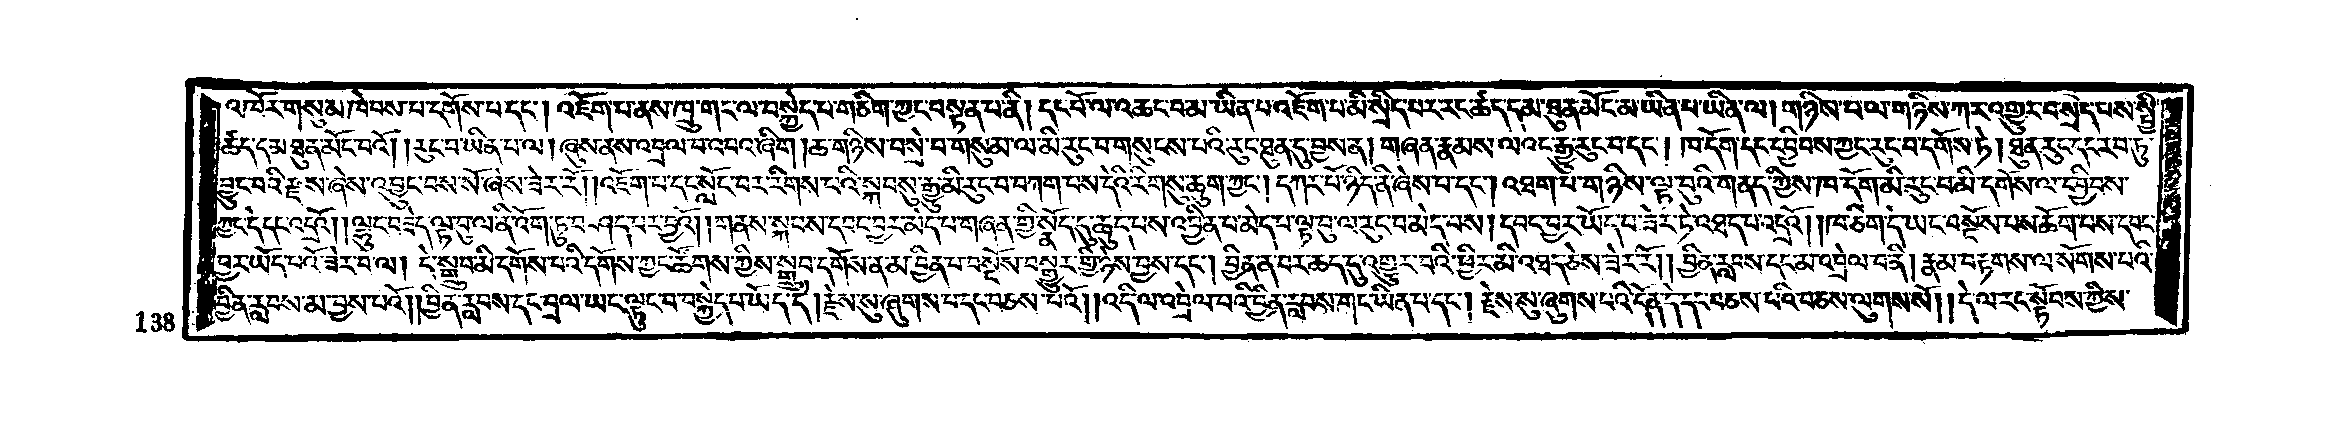འཁོར་གསུམ་ཁེབས་པ་དགོས་པ་དང་། འཇོག་པ་ནས་ཁྲུ་གང་ལ་བསྐྱེད་པ་གཅིག་ཀྱང་བསྟན་པ་ནི། དང་པོ་ལ་འཆང་བ་མ་ཡིན་པ་འཇོག་པ་མི་སྲིད་པར་རང་ཚད་དམ་ཐུན་མོང་མ་ཡིན་པ་ཡིན་ལ། གཉིས་པ་ལ་གཉིས་ཀར་འགྱུར་བ་སྲེད་པས་སྤྱི་
ཚད་དམ་ཐུན་མོང་བའོ། །རུང་བ་ཡིན་པ་ལ། ཞུས་ནས་འབྲལ་བ་འབའ་ཞིག །ཆ་གཉིས་བསྲེ་བ་གསུམ་ལ་མི་རུང་བ་གསུངས་པའི་རུང་ཐུན་དུ་བྱས་ན། གཞན་རྣམས་ལའང་རྒྱུ་རུང་བ་དང་། ཁ་དོག་དང་དབྱིབས་ཀྱང་རུང་བ་དགོས་ཏེ། ཐུན་རུང་དང་རབ་ཏུ་
བྱུང་བའི་རྫས་ཞེས་འབྱུང་བས་སོ་ཞེས་ཟེར་རོ། །འཇོག་པ་དང་སློང་བར་རིགས་པའི་སྐབས་སུ་རྒྱུ་མི་རུང་བ་བཀག་པས་དེའི་རིགས་སུ་ཆུག་ཀྱང་། དཀར་པོ་ཉིད་ནི་ཞེས་པ་དང་། འཐག་པ་གཉིས་ལྟ་བུའི་གནད་ཀྱིས་ཁ་དོག་མི་རུང་བ་མི་དགོས་ལ་དབྱིབས་
ཀྱང་དེ་དང་འདྲའོ། །ལྷུང་བཟེད་ལྟ་བུ་ལ་ནི་འོག་ཏུ་བཤད་པར་བྱའོ། །གནས་སྐབས་དབང་བྱར་མེད་པ་གཞན་གྱི་སྣོད་དུ་ཆུད་པས་འབྱིན་པ་མེད་པ་ལྟ་བུ་ལ་རུང་བ་མེད་པས། དབང་བྱར་ཡོད་པ་ཟེར་ཏེ་འཐད་པ་འདྲའོ། །ཁ་ཅིག་དེ་ཡང་བསྔོས་པས་ཆོག་པས་དབང་
བྱར་ཡོད་པའོ་ཟེར་བ་ལ། དེ་སྒྲུབ་མི་དགོས་པའི་དགོས་ཀྱང་ཚོགས་ཀྱིས་སྒྲུབ་དགོས་ན་མ་བྱིན་པ་བསྔོས་བསྒྱུར་གྱི་ཉེས་བྱས་དང་། བྱིན་ན་བར་ཆད་དུ་འགྱུར་བའི་ཕྱིར་མི་འཐད་ཅེས་ཟེར་རོ། །བྱིན་རླབས་དང་མ་འབྲེལ་བ་ནི། རྣམ་བརྟགས་ལ་སོགས་པའི་
བྱིན་རླབས་མ་བྱས་པའོ། །བྱིན་རླབས་དང་བྲལ་ཡང་ལྟུང་བ་བསྐྱེད་པ་ཡོད་དེ། རྗེས་སུ་ཞུགས་པ་དང་བཅས་པའོ། །འདི་ལ་འབྲེལ་པའི་བྱིན་རླབས་གང་ཡིན་པ་དང་། རྗེས་སུ་ཞུགས་པའི་དོན་དེ་དང་བཅས་པའི་བཅས་ལུགས་སོ། །དེ་ལ་རང་སྟོབས་ཀྱིས་